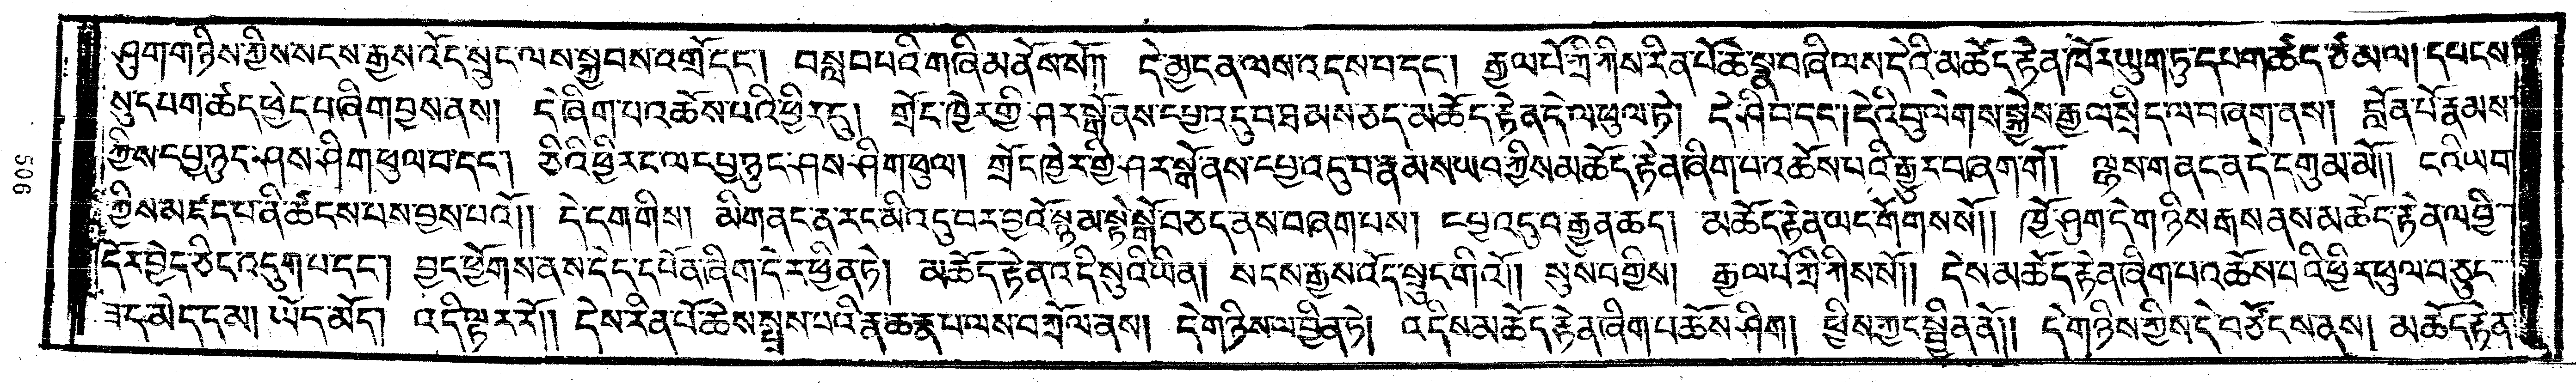ཤུག་གཉིས་ཀྱིས་སངས་རྒྱས་འོད་སྲུང་ལས་སྐྱབས་འགྲོ་དང་། བསླབ་པའི་གཞི་མནོས་སོ།། དེ་མྱ་ངན་ལས་འདས་པ་དང་། རྒྱལ་པོ་ཀྲི་ཀིས་རིན་པོ་ཆེ་སྣ་བཞི་ལས་དེའི་མཆོད་རྟེན་ཁོར་ཡུག་ཏུ་དཔག་ཚད་ཙམ་ལ། དཔངས་
སུ་དཔག་ཚད་ཕྱེད་པ་ཞིག་བྱས་ནས། དེ་ཞིག་པ་འཆོས་པའི་ཕྱིར་དུ། གྲོང་ཁྱེར་གྱི་ཤར་སྒོ་ནས་དཔྱ་འདུ་བ་ཐམས་ཅད་མཆོད་རྟེན་དེ་ལ་ཕུལ་ཏེ། དེ་ཤི་བ་དང་། དེའི་བུ་ལེགས་སྐྱེས་རྒྱལ་སྲིད་ལ་བཞག་ནས། བློན་པོ་རྣམས་
ཀྱིས་དཔྱ་ཉུང་ཤས་ཤིག་ཕུལ་བ་དང་། ཅིའི་ཕྱིར་ང་ལ་དཔྱ་ཉུང་ཤས་ཤིག་ཕུལ། གྲོང་ཁྱེར་གྱི་ཤར་སྒོ་ནས་དཔྱ་འདུ་བ་རྣམས་ཡབ་ཀྱིས་མཆོད་རྟེན་ཞིག་པ་འཆོས་པའི་རྒྱུར་བཞག་གོ། ལྷས་གནང་ན་དེ་དགུམ་མོ།། ངའི་ཡབ་
ཀྱིས་མཛད་པ་ནི་ཚངས་པས་བྱས་པའོ།། དེ་དག་གིས། མི་གནང་ན་རང་མི་འདུ་བར་བྱའོ་སྙམ་སྟེ་སྒོ་བཅད་ནས་བཞག་པས། དཔྱ་འདུ་བ་རྒྱུན་ཆད། མཆོད་རྟེན་ཡང་གོགས་སོ།། ཁྱོ་ཤུག་དེ་གཉིས་རྒས་ནས་མཆོད་རྟེན་ལ་བྱི་
དོར་བྱེད་ཅིང་འདུག་པ་དང་། བྱང་ཕྱོགས་ནས་དེད་དཔོན་ཞིག་དེར་ཕྱིན་ཏེ། མཆོད་རྟེན་འདི་སུའི་ཡིན། སངས་རྒྱས་འོད་སྲུང་གིའོ།། སུས་བགྱིས། རྒྱལ་པོ་ཀྲི་ཀིས་སོ།། དེས་མཆོད་རྟེན་ཞིག་པ་འཆོས་པའི་ཕྱིར་ཕུལ་བ་ཅུང་
ཟད་མེད་དམ། ཡོད་མོད། འདི་ལྟར་རོ།། དེས་རིན་པོ་ཆེས་སྤྲས་པའི་རྣ་ཆ་རྣ་པ་ལས་བཀྲོལ་ནས། དེ་གཉིས་ལ་བྱིན་ཏེ། འདིས་མཆོད་རྟེན་ཞིག་པ་ཆོས་ཤིག། ཕྱིས་ཀྱང་སྦྱིན་ནོ།། དེ་གཉིས་ཀྱིས་དེ་བཙོངས་ནས། མཆོད་རྟེན་